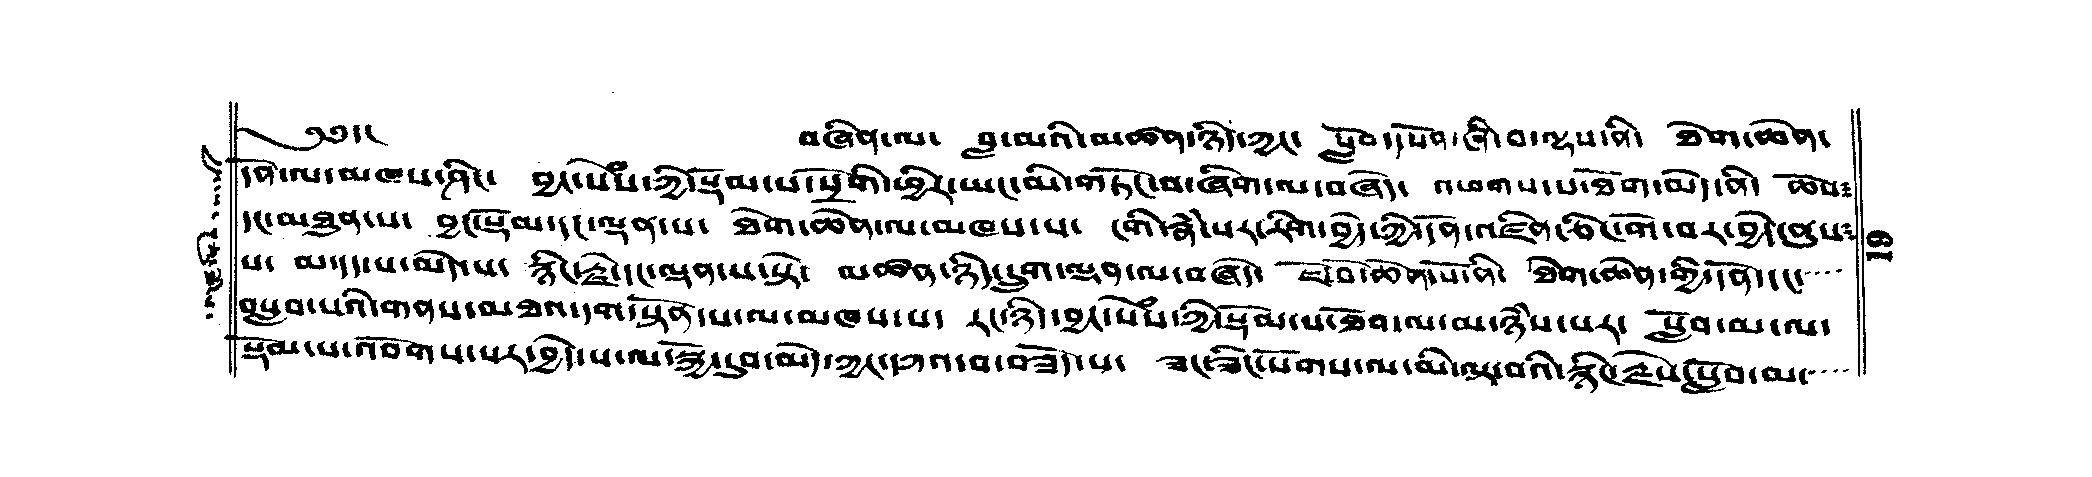བཞིན་ལ། བླ་མའི་མཚན་ཉིད་ཀྱང་། སློབ་དཔོན་ཞི་བ་ལྷས་ནི། ཐེག་ཆེན་
དོན་ལ་མཁས་ཤིང་། བྱང་སེམས་ཀྱི་སྡོམ་པ་སྲོག་གི་ཕྱིར་ཡང་མི་གཏོང་བ་ཞིག་ལ་བཞེད། འཕགས་པ་ཐོག་མེད་ནི། ཆོས་
དང་མཐུན་པ། བྱང་སྡོམ་དང་ལྡན་པ། ཐེག་ཆེན་ལ་མཁས་པ། ངག་གི་རྣམ་པར་རིག་བྱེད་ཀྱི་དོན་འཛིན་ཅིག་གོ་བར་བྱེད་ནུས་
པ། མ་དད་པ་མེད་པ། སྙིང་རྗེ་དང་ལྡན་པ་སྟེ། མཚན་ཉིད་དྲུག་ལྡན་ལ་བཞེད། ཇོ་བོ་ཆེན་པོ་ནི། ཐེག་ཆེན་གྱི་དོན་དང་
བསླབ་པའི་གནས་མཐའ་དག་སྟོན་པ་ལ་མཁས་པ། རང་ཉིད་བྱང་སེམས་ཀྱི་སྡོམ་པ་ཐོབ་ལ་མ་ཉམས་པར། སློབ་མ་ལ་
སྡོམ་པ་འབོགས་པར་བྱེད་པ་ལ་སྐྱོ་དུབ་མེད་ཀྱང་དཀའ་བ་བཟོད་པ། ཟང་ཟིང་སོགས་ལ་མི་ལྟ་བའི་སྙིང་རྗེས་སློབ་མ་